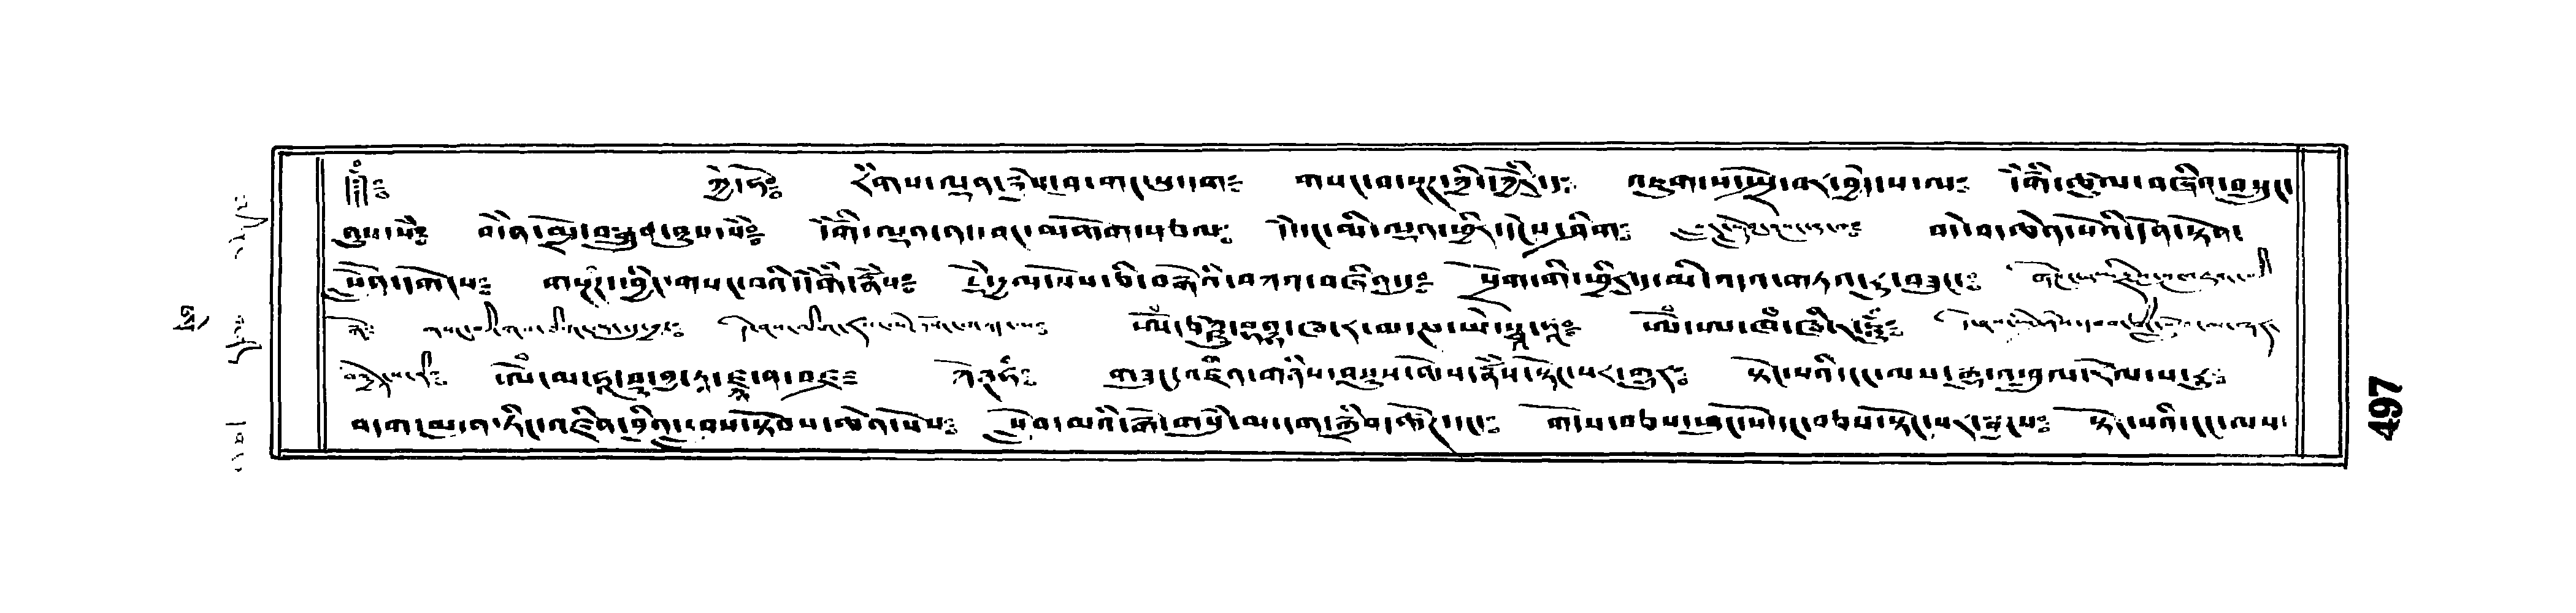ཀྱེ་ཧོ༔ རིགས་ལྡན་སྐྱེས་བུ་གང་སུ་དག༔ གསང་བ་སྔགས་ཀྱི་དཀྱིལ་འཁོར་དུ༔ འཇུག་པ་སྤྲོ་བར་བྱེད་པ་ལ༔ དམ་ཚིག་ཚུལ་བཞིན་བསྲུང་
ནུས་སམ༔ བདེ་ཆེན་མཁའ་འགྲོ་བསྒྲུབ་ནུས་སམ༔ དམ་ཚིག་ལྡན་ན་དབང་མཆོག་བསྩལ༔ དམ་དང་མི་ལྡན་ཕྱིར་དེངས་ཤིག༔ སླར་སློབ་བུ་ནས་ཞུ་བ༔ བདེ་བ་ཆེན་པོའི་དོན་སྟོན་
སློབ་དཔོན་དགོངས༔ གསང་སྔགས་ཕྱི་ནང་གསང་བའི་དམ་ཚིག་རྣམས༔ རྡོ་རྗེ་རྒྱལ་པོས་ཅི་བསྒོའི་བཀའ་བཞིན་དུ༔སྲོག་གི་ཕྱིར་དུ་མི་འདའ་གཏའ་རུ་གཟུང༔ ཞེས་ཞུས་རྗེས་སུ་འཇུག་པའི་
སྒོ༔ གསང་བའི་གབ་ཐིག་ལྟར་དུ་བྱ༔ དེ་ནས་མིག་རས་མེ་ཏོག་གཏད་ལ༔ ཨོཾ་ཙཀྵུ་བྷནྡྷ་ཝ་ར་མ་ཎ་ཡེ་སྭཱ་ཧཱ༔ ཨོཾ་ཨ་ཁཾ་ཝི་ར་ཧཱུྃ༔ དེ་ནས་ཡེ་ཤེས་དབབ་ཅིང་སློབ་མ་ལྷར་
བསྐྱེད་པ་ནི༔ ཨོཾ་མ་ཧཱ་ཤུ་ནྱ་ཏཱ་ཛྙཱ་ན་བཛྲ༴ ཀོ྅ཧཾ༔ གཟུང་འཛིན་གཉིས་བསྡུས་ཆོས་རྣམས་སྟོང་པར་གྱུར༔ སྟོང་པའི་ངང་ལས་སྒྱུ་འཕྲུལ་རོལ་པ་རུ༔ 
བདག་མདུན་ཏིང་འཛིན་བྱིན་རླབས་སྟོབས་ཆེན་པོས༔ སློབ་མའི་སྒོ་གསུམ་མ་དག་སྒྲིབ་ཚོགས་དང༔ གདོས་བཅས་ཕུང་པོ་དང་བཅས་སྟོང་པར་སྦྱངས༔ སྟོང་པའི་ངང་ལས་